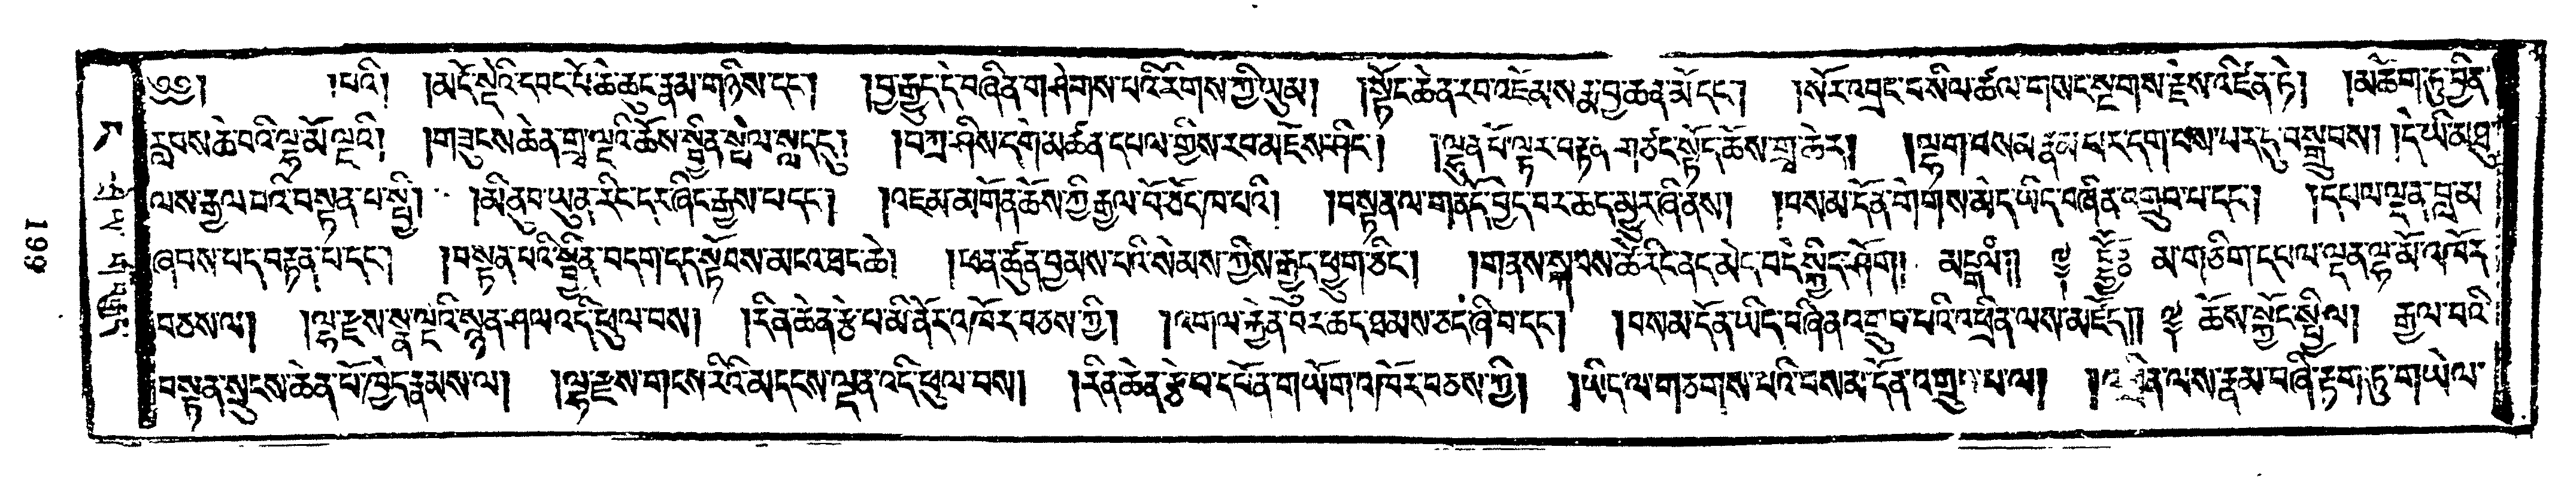༄༅། །པའི། །མདོ་སྡེའི་དབང་པོ་ཆེ་ཆུང་རྣམ་གཉིས་དང་། །བྱ་རྒྱུད་དེ་བཞིན་གཤེགས་པའི་རིགས་ཀྱི་ཡུམ། །སྟོང་ཆེན་རབ་འཇོམས་རྨ་བྱ་ཆེན་མོ་དང་། །སོར་འབྲང་བསིལ་ཚལ་གསང་སྔགས་རྗེས་འཛིན་ཏེ། །མཆོག་ཏུ་བྱིན་
རླབས་ཆེ་བའི་ལྷ་མོ་ལྔའི། །གཟུངས་ཆེན་གྲྭ་ལྔའི་ཆོས་སྦྱིན་སྤེལ་སླད་དུ། །བཀྲ་ཤིས་དགེ་མཚན་དཔལ་གྱིས་རབ་མཛེས་ཤིང་། །ལྷུན་པོ་ལྟར་བརྟན་གཙང་སྟོད་ཆོས་གྲྭ་ཆེར། །ལྷག་བསམ་རྣམ་པར་དག་པས་པར་དུ་བསྒྲུབས། །དེ་ཡི་མཐུ་
ལས་རྒྱལ་བའི་བསྟན་པ་སྤྱི། །མི་ནུབ་ཡུན་རིང་དར་ཞིང་རྒྱས་པ་དང་། །འཇམ་མགོན་ཆོས་ཀྱི་རྒྱལ་པོ་ཙོང་ཁ་པའི། །བསྟན་ལ་གནོད་བྱེད་བར་ཆད་མྱུར་ཞི་ནས། །བསམ་དོན་གེགས་མེད་ཡིད་བཞིན་འགྲུབ་པ་དང་། །དཔལ་ལྡན་བླ་མ་
ཞབས་པད་བརྟན་པ་དང་། །བསྟན་པའི་སྦྱིན་བདག་དང་སྟོབས་མངའ་ཐང་ཆེ། །ཕན་ཚུན་བྱམས་པའི་སེམས་ཀྱིས་རྒྱུད་ཕྱུག་ཅིང་། །གནས་སྐབས་ཚེ་རིང་ནད་མེད་བདེ་སྐྱིད་ཤོག། མངྒལཾ།། ༈ བྷྱཽཿ མ་གཅིག་དཔལ་ལྡན་ལྷ་མོ་འཁོར་
བཅས་ལ། །ལྷ་རྫས་སྣ་ལྔའི་སྙན་ཤལ་འདི་ཕུལ་བས། །རིན་ཆེན་རྩེ་པ་མི་ནོར་འཁོར་བཅས་ཀྱི། །འགལ་རྐྱེན་བར་ཆད་ཐམས་ཅད་ཞི་བ་དང་། །བསམ་དོན་ཡིད་བཞིན་འགྲུབ་པའི་འཕྲིན་ལས་མཛོད།། ༈ ཆོས་སྐྱོང་སྤྱི་ལ། རྒྱལ་བའི་
བསྟན་སྲུངས་ཆེན་པོ་ཁྱེད་རྣམས་ལ། །ལྷ་རྫས་གངས་རིའི་མདངས་ལྡན་འདི་ཕུལ་བས། །རིན་ཆེན་རྩེ་བ་དཔོན་གཡོག་འཁོར་བཅས་ཀྱི། །ཡིད་ལ་གཅགས་པའི་བསམ་དོན་འགྲུབ་པ་ལ། །འཕྲིན་ལས་རྣམ་བཞི་རྟག་ཏུ་གཡེལ་